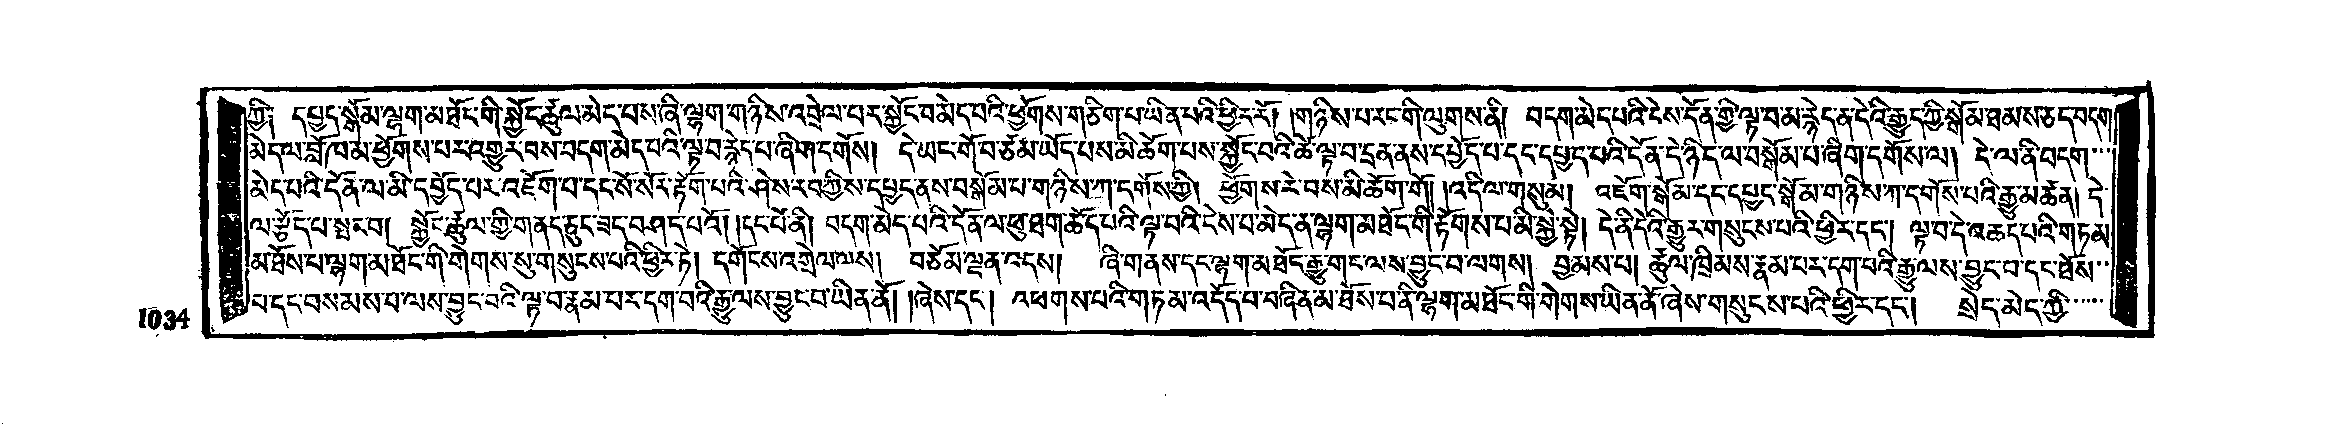ཀྱི༑ དཔྱད་སྒོམ་ལྷག་མཐོང་གི་སྐྱོང་ཚུལ་མེད་པས་ཞི་ལྷག་གཉིས་འབྲེལ་བར་སྐྱོང་བ་མེད་པའི་ཕྱོགས་གཅིག་པ་ཡིན་པའི་ཕྱིར་རོ། །གཉིས་པ་རང་གི་ལུགས་ནི། བདག་མེད་པའི་ངེས་དོན་གྱི་ལྟ་བ་མ་རྙེད་ན་དེའི་རྒྱུད་ཀྱི་སྒོམ་ཐམས་ཅད་བདག་
མེད་ལ་བློ་ཁ་མ་ཕྱོགས་པར་འགྱུར་བས་བདག་མེད་པའི་ལྟ་བ་རྙེད་པ་ཞིག་དགོས། དེ་ཡང་གོ་བ་ཙམ་ཡོད་པས་མི་ཆོག་པས་སྐྱོང་བའི་ཚེ་ལྟ་བ་དྲན་ནས་དཔྱོད་པ་དང་དཔྱད་པའི་དོན་དེ་ཉིད་ལ་བསྒོམ་པ་ཞིག་དགོས་ལ། དེ་ལ་ནི་བདག་
མེད་པའི་དོན་ལ་མི་དཔྱོད་པར་འཇོག་པ་དང་སོ་སོར་རྟོག་པའི་ཤེས་རབ་ཀྱིས་དཔྱད་ནས་བསྒོམ་པ་གཉིས་ཀ་དགོས་ཀྱི། ཕྱོགས་རེ་བས་མི་ཆོག་གོ ། །འདི་ལ་གསུམ། འཇོག་སྒོམ་དང་དཔྱད་སྒོམ་གཉིས་ཀ་དགོས་པའི་རྒྱུ་མཚན། དེ་
ལ་རྩོད་པ་སྤང་བ། སྐྱོང་ཚུལ་གྱི་གནད་ཅུང་ཟད་བཤད་པའོ། །དང་པོ་ནི། བདག་མེད་པའི་དོན་ལ་ཕུ་ཐག་ཆོད་པའི་ལྟ་བའི་ངེས་པ་མེད་ན་ལྷག་མཐོང་གི་རྟོགས་པ་མི་སྐྱེ་སྟེ། དེ་ནི་དེའི་རྒྱུར་གསུངས་པའི་ཕྱིར་དང་། ལྟ་བ་དེ་འཆད་པའི་གཏམ་
མ་ཐོས་པ་ལྷག་མཐོང་གི་གེགས་སུ་གསུངས་པའི་ཕྱིར་ཏེ། དགོངས་འགྲེལ་ལས། བཅོམ་ལྡན་འདས། ཞི་གནས་དང་ལྷག་མཐོང་རྒྱུ་གང་ལས་བྱུང་བ་ལགས། བྱམས་པ། ཚུལ་ཁྲིམས་རྣམ་པར་དག་པའི་རྒྱུ་ལས་བྱུང་བ་དང་ཐོས་
པ་དང་བསམས་པ་ལས་བྱུང་བའི་ལྟ་བ་རྣམ་པར་དག་པའི་རྒྱུ་ལས་བྱུང་བ་ཡིན་ནོ། །ཞེས་དང་། འཕགས་པའི་གཏམ་འདོད་པ་བཞིན་མ་ཐོས་པ་ནི་ལྷག་མཐོང་གི་གེགས་ཡིན་ནོ་ཞེས་གསུངས་པའི་ཕྱིར་དང་། སྲེད་མེད་ཀྱི་